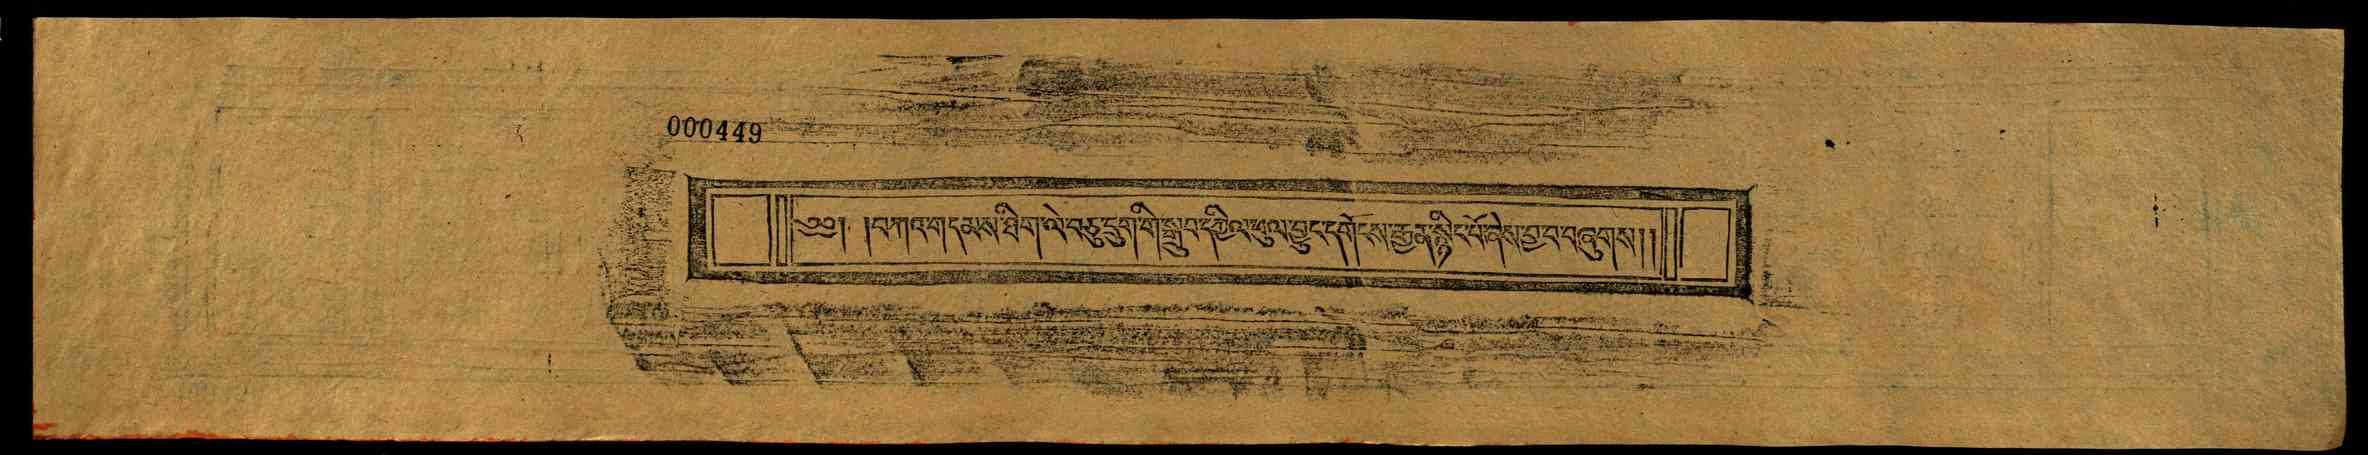༄༅། །བཀའ་གདམས་ཐིག་ལེ་བཅུ་དྲུག་གི་སྒྲུབ་དཀྱིལ་ཕུལ་བྱུང་དགོངས་རྒྱན་སྙིང་པོ་ཞེས་བྱ་བ་བཞུགས། །